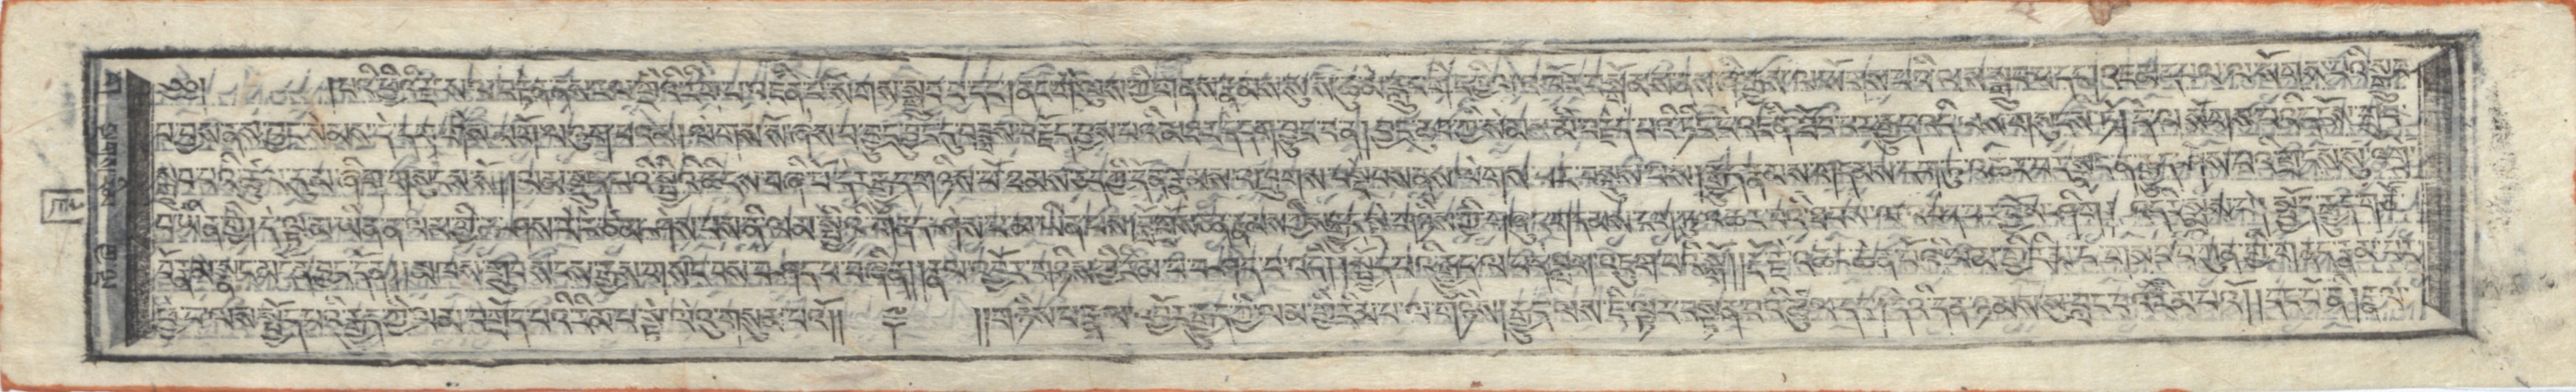༄༅། །པའི་ཕྱིའི་རྫས་ལ་བརྟེན་ནས་རལ་གྲིའི་རིག་པ་འཛིན་པ་སོགས་སྒྲུབ་པ་དང་། ནང་གི་ལུས་ཀྱི་གནས་རྣམས་སུ་ས་ཆུ་མེ་རླུང་གི་དཀྱིལ་འཁོར་བསྒོམས་ནས་ཞི་རྒྱས་ལ་སོགས་པའི་ལས་སྒྲུབ་པ་དང་། འཇམ་དཔལ་ལ་སོགས་པའི་སྒྲུབ་
པ་བྱས་ནས་བྱང་སེམས་དེ་དག་གིས་མགོ་ལ་ཉུག་པའམ། ལེགས་སོ་ཞེས་པ་བྱུང་བྱུང་དུ་བཟླས་བརྗོད་བྱས་པའི་མཐར་དེ་དག་བྱུང་བ་ན། བྱང་ཆུབ་ཀྱི་སེམས་མི་བརྗེད་པའི་ཏིང་ངེ་འཛིན་ཐོབ་པར་རྒྱུད་འདི་ལས་གསུངས་ཏེ། དེ་ལ་སོགས་པའི་དངོས་གྲུབ་
སྒྲུབ་པའི་ཚུལ་དུ་མ་ཞིག་གསུངས་སོ། །ལམ་སྡུད་པའི་སྤྱིའི་ཆིངས་བཞི་པོ་དེར་རྒྱུད་གཉིས་པོ་ཐམས་ཅད་ཀྱི་དོན་རྣམས་འཁྲུགས་བསྡེབས་ནས་ལེགས་པར་བསྡུས་པས། རྒྱུད་རྣམས་གདམས་ངག་ཏུ་འཆར་བར་སྣང་ན་རྒྱུད་ཤེས་པའི་གྲངས་སུ་འགྲོ་
བ་ཡིན་གྱི། དེ་ལྟ་མ་ཡིན་ན་ལམ་གྱི་ཆ་ཤས་རེ་རེ་ཙམ་ཤེས་པས་ནི་ལམ་སྤྱིའི་གནད་ཤེས་པ་མ་ཡིན་པས། བློ་གྲོས་ཅན་རྣམས་ཀྱིས་རྒྱུད་སྡེ་གཉིས་ཀྱི་གཞུང་གདམས་ངག་ཏུ་འཆར་བའི་ཐབས་ལ་འབད་པར་བྱོས་ཤིག །འདིར་སྨྲས་པ། སྤྱོད་རྒྱུད་གཙོ་
བོ་རྣམ་སྣང་མངོན་བྱང་དོན། །མཁས་གྲུབ་སངས་རྒྱས་གསང་བས་བཤད་པ་བཞིན། །རྣལ་འབྱོར་གཉིས་ཀྱི་རིམ་པ་བཤད་པ་འདི། །སྤྱོད་པའི་རྒྱུད་ལ་བདེ་བླག་འཇུག་པའི་སྒོ། །རྡོ་རྗེ་འཆང་ཆེན་པོའི་ལམ་གྱི་རིམ་པ་གསང་བ་ཀུན་གྱི་གནད་རྣམ་པར་
ཕྱེ་བ་ལས་སྤྱོད་པའི་རྒྱུད་ཀྱི་ལམ་བགྲོད་པའི་རིམ་པ་སྟེ་ལེའུ་གསུམ་པའོ།། ༈ །།གཉིས་པ་རྣལ་འབྱོར་རྒྱུད་ཀྱི་ལམ་གྱི་རིམ་པ་ལ་གཉིས། རྒྱུད་ལས་ཇི་ལྟར་བསྟན་པའི་ཚུལ་དང་། དེའི་དོན་ཉམས་སུ་བླང་བའི་རིམ་པའོ། །དང་པོ་ནི། རྣལ་